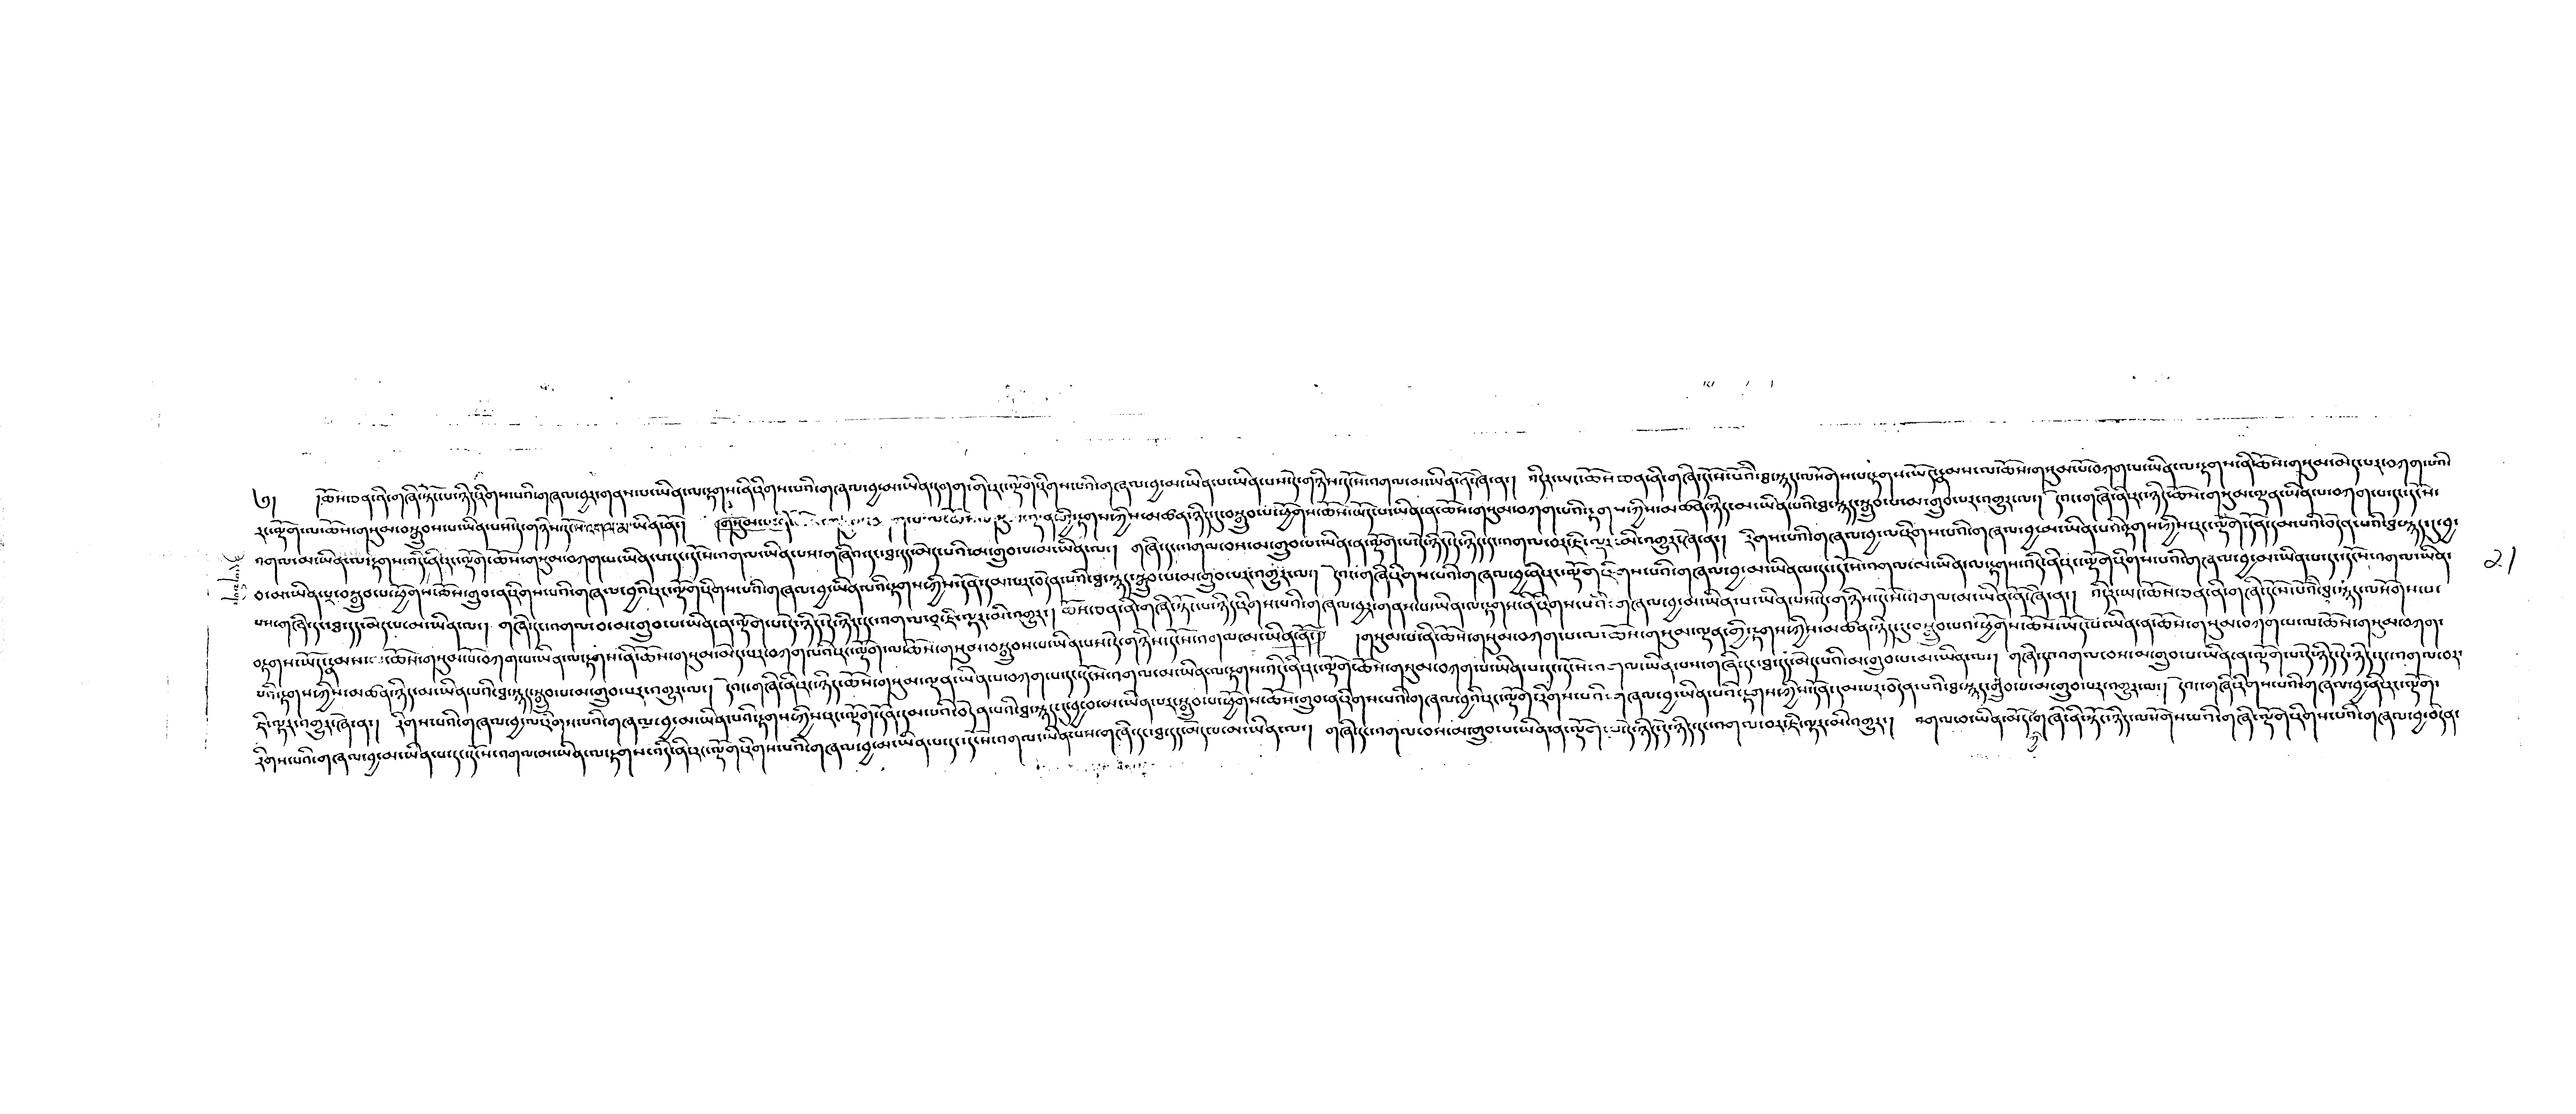༈། །ཆོས་ཅན་ནི། གཞི་སྟོང་པ་ཉིད་རིགས་པའི་གཞལ་བྱར་གནས་པ་ཡིན་ལ་རྟགས་ནི་རིགས་པའི་གཞལ་བྱ་མ་ཡིན་དགག་གི་རང་ལྡོག་རིགས་པའི་གཞལ་བྱ་མ་ཡིན་པ་ཡིན་པས་དེ་གཉིས་དངོས་འགལ་མ་ཡིན་ནོ་ཞེ་ན། འདིར་ཡང་ཆོས་ཅན་ནི་གཞི་དངོས་པོའི་ཐ་སྙད་ལ་སོགས་པ་རྟགས་ཡོད་རྣམས་ལ་ཆོས་གསུམ་པོ་བཀག་པ་ཡིན་ལ་རྟགས་ནི་ཆོས་གསུམ་མེད་པར་བཀག་པའི་
རང་ལྡོག་ལ་ཆོས་གསུམ་བསྒྲུབས་པ་ཡིན་པས་དེ་གཉིས་དངོས་འགལ་མ་ཡིན་ནོ། །གསུམ་པ་ནི། ཆོས་གསུམ་བཀག་པ་ལ་ཆོས་གསུམ་ལྡན་གྱི་རྟགས་ཀྱིས་མཚན་ཉིད་དུ་བསྒྲུབ་པ་ཕྱོགས་ཆོས་ཡོད་པ་ཡིན་ན་ཆོས་གསུམ་བཀག་པའི་རྟགས་ཀྱིས་མཚན་ཉིད་མ་ཡིན་པའི་ཐ་སྙད་སྒྲུབ་པ་མ་གྲུབ་པར་འགྱུར་ལ། དེའང་གཞི་ནི་རང་ཉིད་ཆོས་གསུམ་ལྡན་ཡིན་པ་བཀག་པ་དང་དངོས་
འགལ་མ་ཡིན་ལ་རྟགས་འདི་ནི་རང་ལྡོག་ཆོས་གསུམ་བཀག་པ་ཡིན་པ་དང་དངོས་འགལ་ཡིན་པས་གཞིའ་དང་ཐ་དད་མེད་པའི་མ་གྲུབ་པ་མ་ཡིན་ལ། གཞི་དང་འགལ་བས་མ་གྲུབ་པ་ཡིན་ན་ལྡོག་པ་དེ་ཉིད་དེ་ཉིད་དང་འགལ་བར་ཇི་ལྟར་མི་འགྱུར་ཞེ་ན། རིགས་པའི་གཞལ་བྱ་ལ་རིགས་པའི་གཞལ་བྱ་མ་ཡིན་པའི་རྟགས་ཀྱིས་རང་ལྡོག་དོན་དམ་པའི་བདེན་པའི་ཐ་སྙད་དུ་བྱ་
བ་མ་ཡིན་པར་བསྒྲུབ་པ་ཕྱོགས་ཆོས་གྲུབ་ན་རིགས་པའི་གཞལ་བྱའི་རང་ལྡོག་རིགས་པའི་གཞལ་བྱ་ཡིན་པའི་རྟགས་ཀྱིས་དོན་དམ་པར་བདེན་པའི་ཐ་སྙད་སྒྲུབ་པ་མ་གྲུབ་པར་འགྱུར་ལ། དེའང་གཞི་རིགས་པའི་གཞལ་བྱ་ནི་རང་ལྡོག་རིགས་པའི་གཞལ་བྱ་མ་ཡིན་པ་དང་དངོས་འགལ་མ་ཡིན་ལ་རྟགས་འདི་ནི་རང་ལྡོག་རིགས་པའི་གཞལ་བྱ་མ་ཡིན་པ་དང་དངོས་འགལ་ཡིན་
པས་གཞི་དང་ཐ་དད་མེད་པ་མ་ཡིན་ལ། གཞི་དང་འགལ་བ་མ་གྲུབ་པ་ཡིན་ན་ལྡོག་པ་དེ་ཉིད་དེ་ཉིད་དང་འགལ་བར་ཇི་ལྟར་མི་འགྱུར། ཆོས་ཅན་ནི་གཞི་སྟོང་པ་ཉིད་རིགས་པའི་གཞལ་བྱར་གནས་པ་ཡིན་ལ་རྟགས་ནི་རིགས་པའི་གཞལ་བྱ་མ་ཡིན་པ་ཡིན་པས་དེ་གཉིས་དངོས་འགལ་མ་ཡིན་ནོ་ཞེ་ན། འདིར་ཡང་ཆོས་ཅན་ནི་གཞི་དངོས་པོའི་ཐ་སྙད་ལ་སོགས་པ་
བརྟགས་ཡོད་རྣམས་ལ་ཆོས་གསུམ་པོ་བཀག་པ་ཡིན་ལ་རྟགས་ནི་ཆོས་གསུམ་མེད་པར་བཀག་པའི་རང་ལྡོག་ལ་ཆོས་གསུམ་བསྒྲུབས་པ་ཡིན་པས་དེ་གཉིས་དངོས་འགལ་མ་ཡིན་ནོ། །གསུམ་པ་ནི་ཆོས་གསུམ་བཀག་པ་ལ་ཆོས་གསུམ་ལྡན་གྱི་རྟགས་ཀྱིས་མཚན་ཉིད་དུ་བསྒྲུབ་པའི་ཕྱོགས་ཆོས་ཡོད་པ་ཡིན་ན་ཆོས་གསུམ་བཀག་པ་ལ་ཆོས་གསུམ་བཀག་
པའི་རྟགས་ཀྱིས་མཚན་ཉིད་མ་ཡིན་པའི་ཐ་སྙད་སྒྲུབ་པ་མ་གྲུབ་པར་འགྱུར་ལ། དེའང་གཞི་ནི་རང་ཉིད་ཆོས་གསུམ་ལྡན་ཡིན་པ་བཀག་པ་དང་དངོས་འགལ་མ་ཡིན་ལ་རྟགས་འདི་ནི་རང་ལྡོག་ཆོས་གསུམ་བཀག་པ་ཡིན་པ་དང་དངོས་འགལ་ཡིན་པས་གཞི་དང་ཐ་དད་མེད་པའི་མ་གྲུབ་པ་མ་ཡིན་ལ། གཞི་དང་འགལ་བས་མ་གྲུབ་པ་ཡིན་ན་ལྡོག་པ་དེ་ཉིད་དེ་ཉིད་དང་འགལ་བར་
ཇི་ལྟར་འགྱུར་ཞེ་ན། རིགས་པའི་གཞལ་བྱ་ལ་རིགས་པའི་གཞལ་བྱ་མ་ཡིན་པའི་རྟགས་ཀྱིས་རང་ལྡོག་དོན་དམ་པའི་བདེན་པའི་ཐ་སྙད་དུ་བྱ་བ་མ་ཡིན་པར་སྒྲུབ་པ་ཕྱོགས་ཆོས་གྲུབ་ན་རིགས་པའི་གཞལ་བྱའི་རང་ལྡོག་རིགས་པའི་གཞལ་བྱ་ཡིན་པའི་རྟགས་ཀྱིས་དོན་དམ་པར་བདེན་པའི་ཐ་སྙད་སྒྲུབ་པ་མ་གྲུབ་པར་འགྱུར་ལ། དེའང་གཞི་རིགས་པའི་གཞལ་བྱ་ནི་རང་ལྡོག་
རིགས་པའི་གཞལ་བྱ་མ་ཡིན་པ་དང་དངོས་འགལ་མ་ཡིན་ལ་རྟགས་འདི་ནི་རང་ལྡོག་རིགས་པའི་གཞལ་བྱ་མ་ཡིན་པ་དང་དངོས་འགལ་ཡིན་པས་གཞི་དང་ཐ་དད་མེད་པ་མ་ཡིན་ལ། གཞི་དང་འགལ་བས་མ་གྲུབ་པ་ཡིན་ན་ལྡོག་པ་དེ་ཉིད་དེ་ཉིད་དང་འགལ་བར་ཇི་ལྟར་མི་འགྱུར། འགལ་བ་ཡིན་མོད་ཀྱི་གཞི་ནི་སྟོང་ཉིད་ལ་སོགས་པའི་གཞི་ལྡོག་རིགས་པའི་གཞལ་བྱ་བདེན་